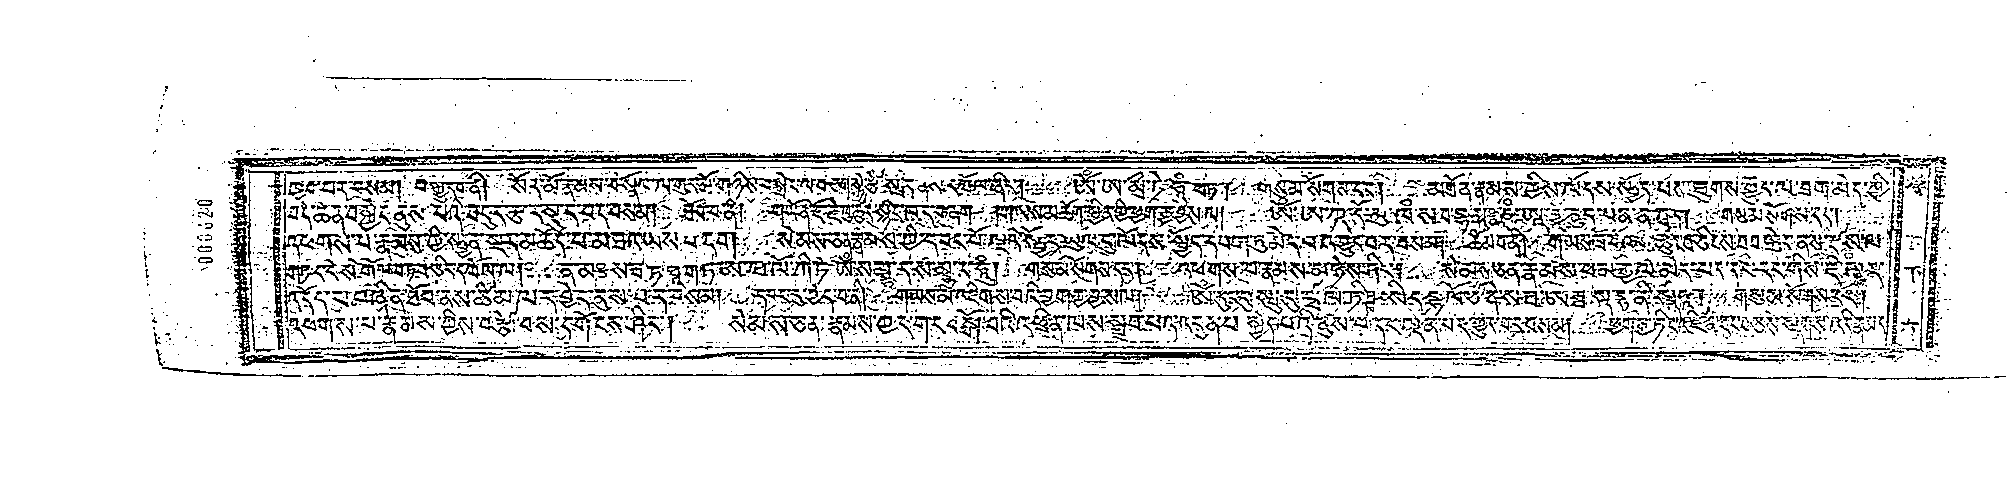ཁྱབ་པར་བསམ། བསྒྱུར་བ་ནི། སོར་མོ་རྣམས་བསྣོལ་ལ་གུར་མོ་གཉིས་བསྒྲེང་ལ་བཅག་སྟེ་རྩེ་སྤྲད་ནས་དཀྲོལ་ཞིང་། ཨོཾ་ཨ་མྲྀ་ཏེ་ཧཱུཾ་ཕཊ། གསུམ་སོགས་དང་། མགྲོན་རྣམས་ཀྱིས་ལོངས་སྤྱོད་པས་ཐུགས་རྒྱུད་ལ་ཟག་མེད་ཀྱི་
བདེ་ཆེན་བསྐྱེད་ནུས་པའི་བདུད་རྩིར་སྡུད་བར་བསམ། ཐོབ་བ་ནི། གཡོན་རྡོ་རྗེ་ཁུ་ཚུར་སྙིང་ཁར་བཞག །གཡས་མཆོག་སྦྱིན་གྱི་ཕྱག་རྒྱ་བྱེས་ལ། ཨོཾ་ཨ་ཀཱ་རོ་མུ་ཁཾ་སབ་དྷམཱཿ་ཎཱཾ་ཨཱ་དྱཱ་ནུད་པན་ན་ཏྱད། གསུམ་སོགས་དང་།
འཕགས་པ་རྣམས་ཀྱི་སྤྱན་སྡར་མཆོད་པ་མཐའ་ཡས་བདག་སེམས་ཅན་རྣམས་ཀྱི་དབང་པོ་ལྔའི་སྤྱོད་ཡུལ་དུ་ལོངས་སྤྱོད་དཔག་ཏུ་མེད་པ་འབྱུང་བར་བསམ། ཚིམ་བ་ནི། གཡས་ཁྲོ་བོ་ལ་ཁུ་ཚུར་བཅིངས་བ་བསྐྲེང་ནས་རྫས་ལ་
གཏང་དེ་སེ་གོལ་བཏབ་ཅིང་དཀྲོལ་ལ། ན་མཿ་སརྦ་ཏ་ཐཱ་ག་ཏ་ཨ་ཝ་ལོ་ཀི་ཏེ་ཨོཾ་སམྦྷ་ད་ས་མདྷ་ར་ཧཱུཾ། གསུམ་སོགས་དང་། འཕགས་པ་རྣམས་མཉེས་ཤིང་། སེམས་ཅན་རྣམས་ཕམ་རྒྱལ་མེད་པར་དང་རང་གིས་ཇི་ལྟར་
འདོད་པ་བཞིན་ཐོབ་ནས་ཚིམ་པར་བྱེད་ནུས་པར་བསམ། དབང་དུ་བྱེད་པ་ནི། གཡས་མི་འཇིགས་བའི་ཕྱག་རྒྱ་བྱས་ལ། ཨོཾ་དུ་རུ་སྤུ་དུ་ཛྭ་ལ་ཏིཥྵ་སིད་དྷ་ལོ་ཙ་ནེ་སརྦ་ཨརྦྦ་སཱ་དྷ་ནི་སྭཱཧཱ། གསུམ་སོགས་དང་།
འཕགས་པ་རྣམས་ཀྱིས་བརྩེ་བས་དགོངས་ཤིང་། སེམས་ཅན་རྣམས་ཀྱང་གང་བསྒོ་བའི་འཕྲིན་ལས་སྒྲུབ་པའི་འདུན་པ་སྐྱེད་པའི་ནུས་པ་དང་ལྡན་པར་གྱུར་བར་བསམ། ཕྱག་རྒྱ་ཏིང་འཛིན་དང་བཅས་སྔགས་འདི་རྣམས་